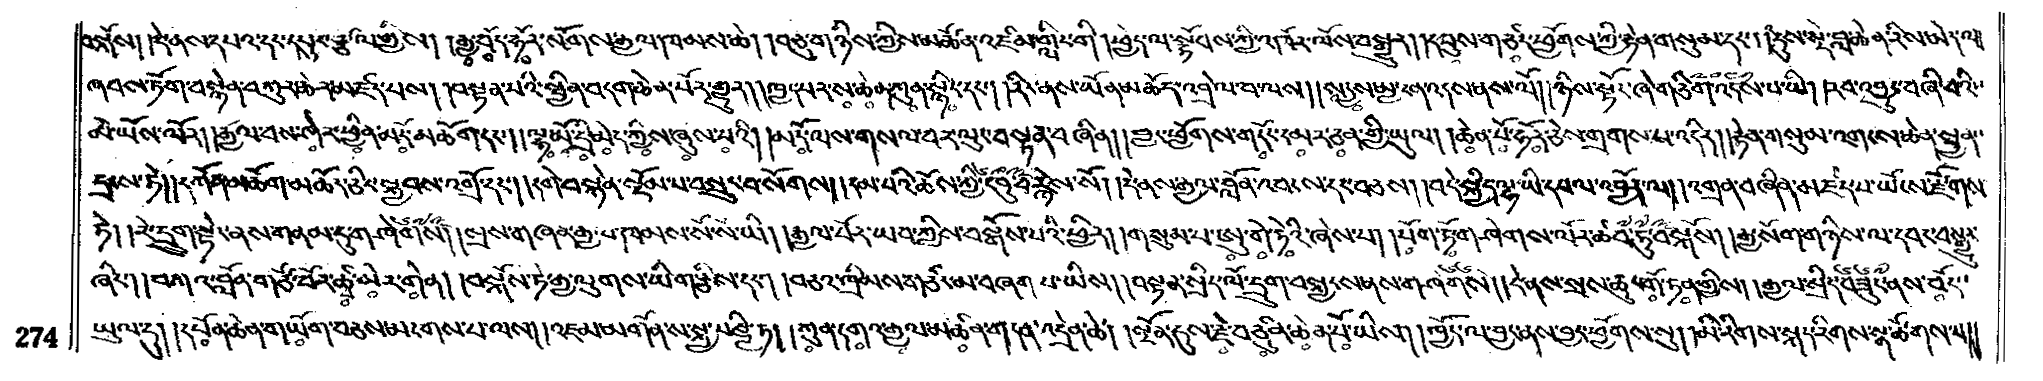བསྐོས། །དེ་ནས་དཔའ་དང་དཔུང་རྩལ་གྱིས། །རྒྱ་བོད་ཧོར་སོགས་རྒྱལ་ཁམས་ཆེ། །བཅུ་གཉིས་ཀྱིས་མཚོན་འཛམ་གླིང་གི །ཕྱེད་ལ་སྟོབས་ཀྱི་འཁོར་ལོས་བསྒྱུར། །དབུས་གཙང་ཕྱོགས་ཀྱི་རྟེན་གསུམ་དང་། །དུས་སྡེ་བླ་ཆེན་རིས་མེད་ལ།
ཞབས་ཏོག་བསྙེན་བཀུར་ཆེར་མཛད་པས། །བསྟན་པའི་སྦྱིན་བདག་ཆེན་པོར་གྱུར། །ཁྱད་པར་ས་ཆེན་ཀུན་སྙིང་དང་། །རིང་ནས་ཡོན་མཆོད་འབྲེལ་བ་ལས། །སངས་རྒྱས་མྱ་ངན་འདས་ནས་ལོ། །ཉིས་སྟོང་ཞེ་གཅིག་འདས་པ་ཡི། །རབ་འབྱུང་བཞི་བའི་
མེ་ཡོས་ལོར། །རྒྱལ་བས་ཤེར་ཕྱིན་མདོ་མཆོག་དང་། །ལྷ་མོ་དྲི་མེད་ཀྱིས་ཞུས་པའི། །མདོ་ལས་གསལ་བར་ལུང་བསྟན་བཞིན། །བྱང་ཕྱོགས་གདོང་དམར་ཅན་གྱི་ཡུལ། །ཆེན་པོ་ཧོར་ཅེས་གྲགས་པ་འདིར། །རྟེན་གསུམ་འགངས་ཆེན་སྤྱན་
དྲངས་ཏེ། །དཀོན་མཆོག་མཆོད་ཅིང་སྐྱབས་འགྲོ་དང་། །དགེ་བསྙེན་སྡོམ་པ་བསྲུང་བ་སོགས། །དམ་པའི་ཆོས་ཀྱི་དབུ་བརྙེས་སོ། །དེ་ནས་རྒྱལ་བློན་འབངས་དང་བཅས། །བདེ་སྐྱིད་ལྷ་ཡི་དཔལ་འབྱོར་ལ། །འགྲན་བཞིན་མཛད་པ་ཡོངས་རྫོགས་
ཏེ། །རེ་དྲུག་སྟེང་ནས་གནམ་དུ་གཤེགས། །སྲས་གཞན་རྒྱ་པ་ཁམས་སོ་སོ་ཡི། །རྒྱལ་བོར་ཡབ་ཀྱིས་བསྒོས་པའི་ཕྱིར། །གསུམ་པ་ཨུ་གེ་ཏེའི་ཞེས་པ། །པོག་ཏོ་གཤེགས་ལོར་ཚབ་ཏུ་བསྐོས། །རྒྱ་སོག་གཉིས་ལ་དབང་བསྒྱུར་
ཞིང་། །བཀའ་བློན་གཙོ་བོར་ཚྭ་མེར་གེན། །བསྐོས་ཏེ་རྒྱ་ལུགས་ཡིག་རྩིས་དང་། །བཅའ་ཁྲིམས་གཙང་མ་བཞག་པ་ཡིས། །བསྟན་སྲིད་ལོ་དྲུག་བསྐྱངས་ནས་གཤེགས། །དེ་ནས་སྲས་ཆུང་གོ་ཏན་གྱིས། །རྒྱལ་སྲིད་བཟུང་ནས་བོད་
ཡུལ་དུ། །དཔོན་ཆེན་གཡོག་བཅས་མངགས་པ་ལས། །འཇམ་མགོན་ས་སྐྱ་པཎྜྱི་ཏ། །ཀུན་དགའ་རྒྱལ་མཚན་གདན་འདྲེན་ཚེ། །སྔོན་དུས་རྗེ་བཙུན་ཆེན་པོ་ཡིས། །ཁྱོད་ལ་བྱང་ནས་བྱང་ཕྱོགས་སུ། །མི་རིགས་སྐད་རིགས་སྣ་ཚོགས་པ།།